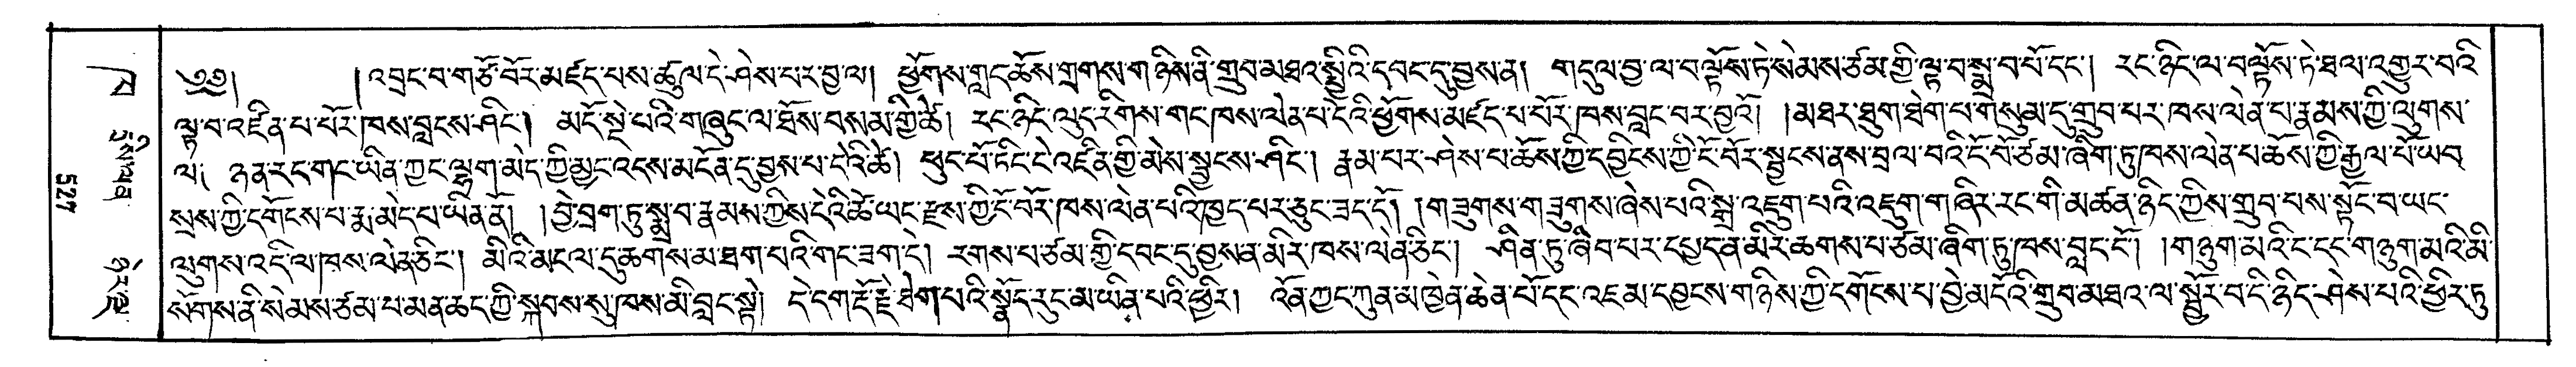༄༅། །འབྲང་བ་གཙོ་བོར་མཛད་པས་ཚུལ་དེ་ཤེས་པར་བྱ་ལ། ཕྱོགས་གླང་ཆོས་གྲགས་གཉིས་ནི་གྲུབ་མཐའ་སྤྱིའི་དབང་དུ་བྱས་ན། གདུལ་བྱ་ལ་བལྟོས་ཏེ་སེམས་ཙམ་གྱི་ལྟ་བ་སྨྲ་བ་པོ་དང་། རང་ཉིད་ལ་བལྟོས་ཏེ་ཐལ་འགྱུར་བའི་
ལྟ་བ་འཛིན་པ་པོར་ཁས་བླངས་ཤིང་། མདོ་སྡེ་པའི་གཞུང་ལ་ཐོས་བསམ་གྱི་ཚེ། རང་ཉིད་ལུང་རིགས་གང་ཁས་ལེན་པ་དེའི་ཕྱོགས་མཛད་པ་པོར་ཁས་བླང་བར་བྱའོ། །མཐར་ཐུག་ཐེག་པ་གསུམ་དུ་གྲུབ་པར་ཁས་ལེན་པ་རྣམས་ཀྱི་ལུགས་
ལ༑ ཉན་རང་གང་ཡིན་ཀྱང་ལྷག་མེད་ཀྱི་མྱང་འདས་མངོན་དུ་བྱས་པ་དེའི་ཚེ། ཕུང་པོ་ཏིང་ངེ་འཛིན་གྱི་མེས་སྦྱངས་ཤིང་། རྣམ་པར་ཤེས་པ་ཆོས་ཀྱི་དབྱིངས་ཀྱི་ངོ་བོར་སྦྱངས་ནས་བྲལ་བའི་ངོ་བོ་ཙམ་ཞིག་ཏུ་ཁས་ལེན་པ་ཆོས་ཀྱི་རྒྱལ་པོ་ཡབ་
སྲས་ཀྱི་དགོངས་པ་རྨ་མེད་པ་ཡིན་ནོ། །བྱེ་བྲག་ཏུ་སྨྲ་བ་རྣམས་ཀྱིས་དེའི་ཚེ་ཡང་རྫས་ཀྱི་ངོ་བོར་ཁས་ལེན་པའི་ཁྱད་པར་ཅུང་ཟད་དོ། །གཟུགས་གཟུགས་ཞེས་པའི་སྒྲ་འཇུག་པའི་འཇུག་གཞིར་རང་གི་མཚན་ཉིད་ཀྱིས་གྲུབ་པས་སྟོང་པ་ཡང་
ལུགས་འདི་ལ་ཁས་ལེན་ཅིང་། མིའི་མངལ་དུ་ཆགས་མ་ཐག་པའི་གང་ཟག་དེ། རགས་པ་ཙམ་གྱི་དབང་དུ་བྱས་ན་མིར་ཁས་ལེན་ཅིང་། ཤིན་ཏུ་ཞིབ་པར་དཔྱད་ན་མིར་ཆགས་པ་ཙམ་ཞིག་ཏུ་ཁས་བླང་ངོ། །གཉུག་མའི་ང་དང་གཉུག་མའི་མི་
སོགས་ནི་སེམས་ཙམ་པ་མན་ཆད་ཀྱི་སྐབས་སུ་ཁས་མི་བླང་སྟེ། དེ་དག་རྡོ་རྗེ་ཐེག་པའི་སྣོད་རུང་མ་ཡིན་པའི་ཕྱིར། འོན་ཀྱང་ཀུན་མཁྱེན་ཆེན་པོ་དང་འཇམ་དབྱངས་གཉིས་ཀྱི་དགོངས་པ་བྱེ་མདོའི་གྲུབ་མཐའ་ལ་སྦྱོང་བ་དེ་ཉིད་ཤེས་པའི་ཕྱིར་ཏུ་